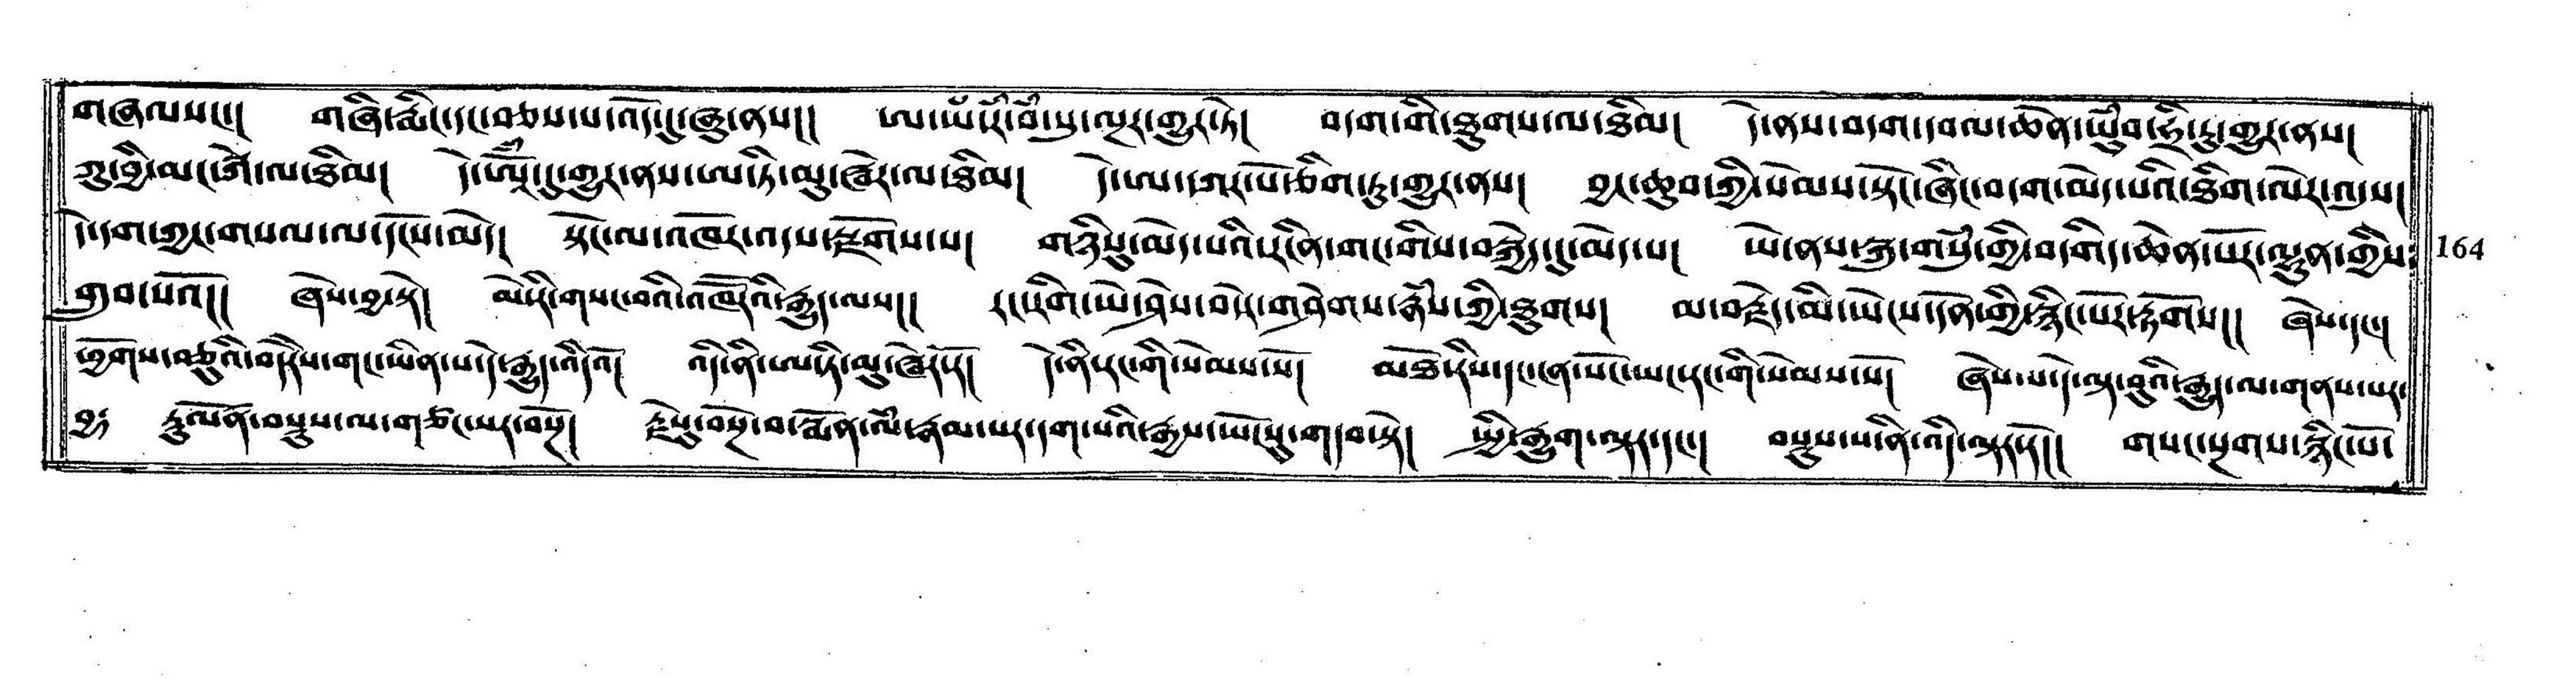གཞལ་ཡས་ཁང་། གཞི་རྨིང་དང་བཅས་པ་འོད་དུ་ཞུ་ནས།། ཨ་ཡཾ་རཾ་བཾ་སུ་ལྔར་གྱུར་ཏེ། བདག་གི་ཐུགས་ལ་ཐིམ། དེ་ནས་བདག་དབལ་ཆེན་ཡབ་ཡུམ་ཧྲི་རུ་གྱུར་ནས། 
ཀུ་བྱི་མང་སྐེ་ལ་ཐིམ། དེ་ཨཱོཾ་དུ་གྱུར་ནས་ཨ་ཏི་མུ་ཝེར་ལ་ཐིམ། དེ་ཨ་དཀར་པོ་ཅིག་ཏུ་གྱུར་ནས། བྱང་ཆུབ་ཀྱི་སེམས་སྟོང་ཞིང་བདག་མེད་པའི་ཐིག་ལེར་འདུས། 
དེ་དག་ཀྱང་གསལ་ལ་དངོས་མེད། སྟོང་ལ་འཁོར་འདས་རྫོགས་པ། གཉིས་སུ་མེད་པའི་རང་བཞིན་གང་གིས་བསྐྱེད་དུ་མེད་པ། ཡེ་ནས་སྐུ་གསུམ་གྱི་བདག་ཉིད་ཆེན་པོར་ལྷུན་གྱིས་
གྲུབ་པའོ།། ཞེས་བྱ་སྟེ། མེ་རི་གསང་བའི་འཁོར་ལོའི་རྒྱུད་ལས།། རང་རིག་ཡེ་ཤེས་བདེར་གཤེགས་རྣམས་ཀྱི་ཐུགས། མ་བརྗེད་མི་ཡེངས་དོན་གྱི་སྙིང་པོར་རྟོགས།། ཞེས་དང་། 
ཕྱོགས་བཅུའི་བདེར་གཤེགས་གང་ཡིན་པ་དེ་རྒྱུད་འདིའོ། འདི་ནི་ཨ་ཏི་མུ་ཝེར་རོ། དེ་ནི་རང་གི་སེམས་སོ། མཐོ་རིས་དང་ངན་སོང་ཡང་རང་གི་སེམས་སོ། ཞེས་པ་དེ་ལྟ་བུའི་རྒྱུད་ལ་གནས་པར་
བྱ། རྡུལ་ཚོན་བསྡུས་ལ་གཙང་བར་བསྔོ། རྗེས་སུ་བསྔོ་བ་སྨོན་ལམ་རྣམ་པར་དག་པའི་རྒྱས་ཡོངས་སུ་གདབ་སྟེ། སྤྱི་རྒྱུག་ལྟར་དང་། བསྡུས་པ་ནི་འདི་ལྟར་རོ། གསང་སྔགས་སྙིང་པོ་